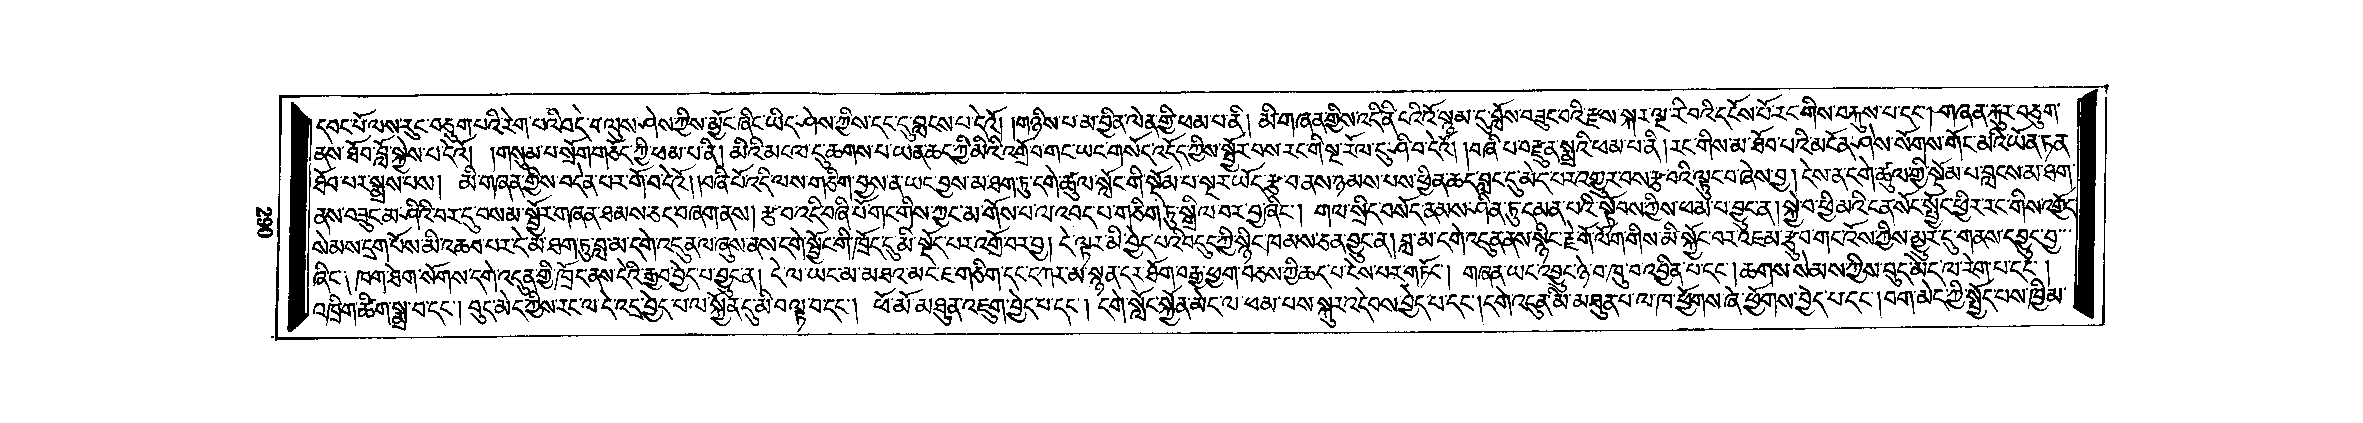དབང་པོ་ལས་རུང་བཅུག་པའི་རེག་པའི་བདེ་བ་ལུས་ཤེས་ཀྱིས་མྱོང་ཞིང་ཡིད་ཤེས་ཀྱིས་དང་དུ་བླངས་པ་དེའོ། །གཉིས་པ་མ་བྱིན་ལེན་གྱི་ཕམ་པ་ནི། མི་གཞན་གྱིས་འདི་ནི་ངའི་འོ་སྙམ་དུ་བློས་བཟུང་བའི་རྫས་སྐར་ལྔ་རི་བའི་དངོས་པོ་རང་གིས་བརྐུས་པ་དང་། གཞན་རྐུར་བཅུག་
ནས་ཐོབ་བློ་སྐྱེས་པ་དེའོ། །གསུམ་པ་སྲོག་གཅོད་ཀྱི་ཕམ་པ་ནི། མིའི་མངལ་དུ་ཆགས་པ་ཡན་ཆད་ཀྱི་མིའི་འགྲོ་བ་གང་ཡང་གསོད་འདོད་ཀྱིས་སྦྱོར་བས་རང་གི་སྔ་རོལ་དུ་ཤི་བ་དེའོ། །བཞི་པ་བརྫུན་སྨྲའི་ཕམ་པ་ནི། རང་གིས་མ་ཐོབ་པའི་མངོན་ཤེས་སོགས་གོང་མའི་ཡོན་ཏན་
ཐོབ་པར་སྨྲས་པས། མི་གཞན་གྱིས་བདེན་པར་གོ་བ་དེའོ། །བཞི་པོ་འདི་ལས་གཅིག་བྱས་ན་ཡང་བྱས་མ་ཐག་ཏུ་དགེ་ཚུལ་སློང་གི་སྡོམ་པ་སྔར་ཡོད་རྩ་བ་ནས་ཉམས་པས་ཕྱིན་ཆད་བླང་དུ་མེད་པར་འགྱུར་བས་རྩ་བའི་ལྟུང་བ་ཞེས་བྱ། དེས་ན་དགེ་ཚུལ་གྱི་སྡོམ་པ་བླངས་མ་ཐག་
ནས་བཟུང་མ་ཤིའི་བར་དུ་བསམ་སྦྱོར་གཞན་ཐམས་ཅད་བཞག་ནས། རྩ་བ་འདི་བཞི་པོ་གང་གིས་ཀྱང་མ་གོས་པ་ལ་འབད་པ་གཅིག་ཏུ་སྒྲིལ་བར་བྱ་ཞིང་། གལ་སྲིད་བསོད་ནམས་ཤིན་ཏུ་དམན་པའི་སྟོབས་ཀྱིས་ཕམ་པ་བྱུང་ན། སྐྱེ་བ་ཕྱི་མའི་ངན་སོང་སྤྱོང་ཕྱིར་རང་གིས་འགྱོད་
སེམས་དྲག་པོས་མི་འཆབ་པར་དེ་མ་ཐག་ཏུ་བླ་མ་དགེ་འདུན་ལ་ཞུས་ནས་དགེ་སྦྱོང་གི་ཁྲོད་དུ་མི་སྡོད་པར་འགྲོ་བར་བྱ། དེ་ལྟར་མི་བྱེད་པའི་བདུད་ཀྱི་སྙིང་ཁམས་ཅན་བྱུང་ན། བླ་མ་དགེ་འདུན་ནས་སྙིང་རྗེ་གོ་ལོག་གིས་མི་སྐྱོང་བར་འཇམ་རྩུབ་གང་འོས་ཀྱིས་མྱུར་དུ་གནས་དབྱུང་བྱ་
ཞིང་། ཁག་ཐེག་སོགས་དགེ་འདུན་གྱི་ཁྲོད་ནས་དེའི་རྒྱབ་བྱེད་པ་བྱུང་ན། དེ་ལ་ཡང་མ་མཐའ་མང་ཇ་གཅིག་དང་དཀར་མ་སྙན་དར་ཐོག་བརྒྱ་ཕྱག་བཅས་ཀྱི་ཆད་པ་ངེས་པར་གཏོང་། གཞན་ཡང་འབྱུང་ཉེ་བ་ཁུ་བ་འབྱིན་པ་དང་། ཆགས་སེམས་ཀྱིས་བུད་མེད་ལ་རེག་པ་དང་།
འཁྲིག་ཚིག་སྨྲ་བ་དང་། བུད་མེད་ཀྱིས་རང་ལ་དེ་འདྲ་བྱེད་པ་ལ་སྐྱོན་དུ་མི་བལྟ་བ་དང་། ཕོ་མོ་མཐུན་འཇུག་བྱེད་པ་དང་། དགེ་སློང་སྐྱོན་མེད་ལ་ཕམ་པས་སྐུར་འདེབས་བྱེད་པ་དང་། དགེ་འདུན་མི་མཐུན་པ་ལ་ཁ་ཕྱོགས་ཞེ་ཕྱོགས་བྱེད་པ་དང་། བག་མེད་ཀྱི་སྤྱོད་པས་ཁྱིམ་